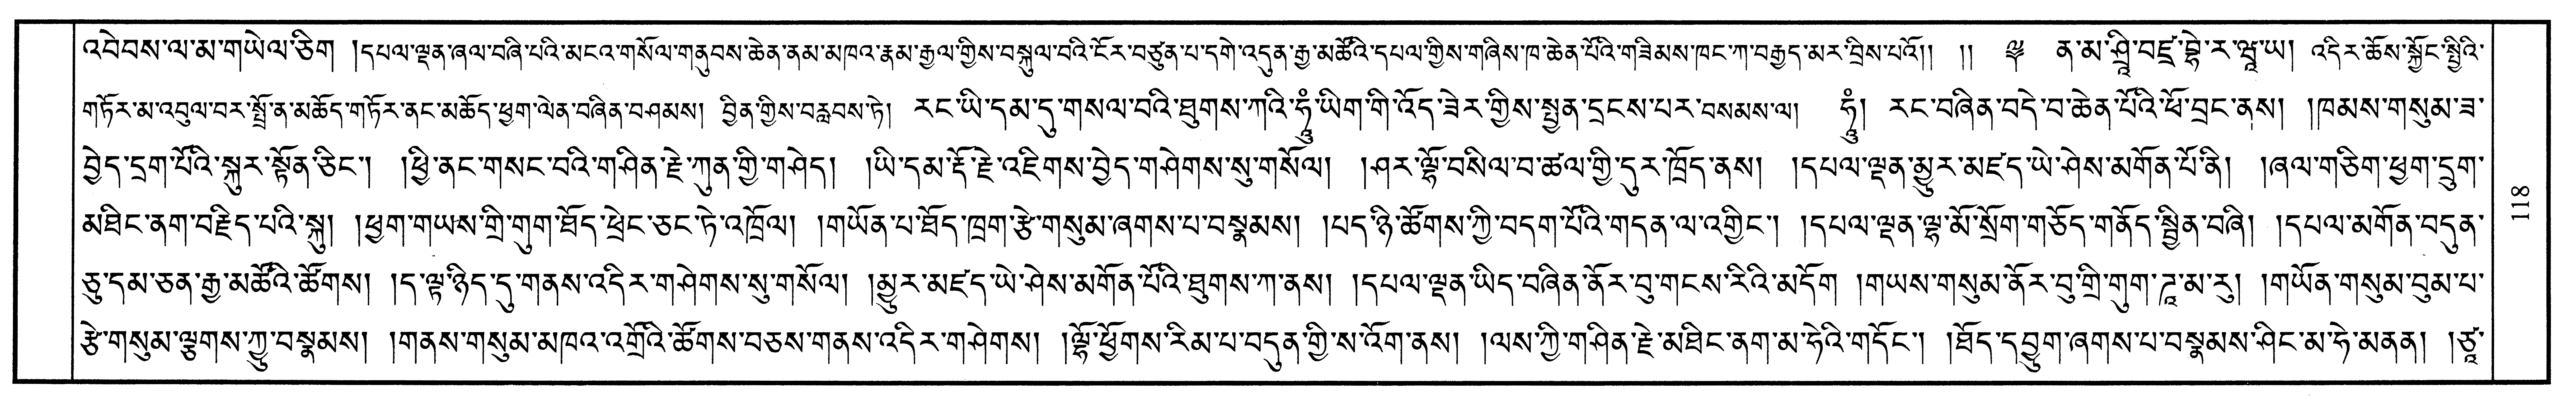འབེབས་ལ་མ་གཡེལ་ཅིག །དཔལ་ལྡན་ཞལ་བཞི་པའི་མངའ་གསོལ་གནུབས་ཆེན་ནམ་མཁའ་རྣམ་རྒྱལ་གྱིས་བསྐུལ་བའི་ངོར་བཙུན་པ་དགེ་འདུན་རྒྱ་མཚོའི་དཔལ་གྱིས་གཞིས་ཁ་ཆེན་པོའི་གཟིམས་ཁང་ཀ་བརྒྱད་མར་བྲིས་པའོ།། །། ༈ ན་མ་ཤྲཱི་བཛྲ་བྷེ་ར་ཝཱ་ཡ། འདིར་ཆོས་སྐྱོང་སྤྱིའི་
གཏོར་མ་འབུལ་བར་སྤྲོ་ན་མཆོད་གཏོར་ནང་མཆོད་ཕྱག་ལེན་བཞིན་བཤམས། བྱིན་གྱིས་བརླབས་ཏེ། རང་ཡི་དམ་དུ་གསལ་བའི་ཐུགས་ཀའི་ཧཱུཾ་ཡིག་གི་འོད་ཟེར་གྱིས་སྤྱན་དྲངས་པར་བསམས་ལ། ཧཱུཾ། རང་བཞིན་བདེ་བ་ཆེན་པོའི་ཕོ་བྲང་ནས། །ཁམས་གསུམ་ཟ་
བྱེད་དྲག་པོའི་སྐུར་སྟོན་ཅིང་། །ཕྱི་ནང་གསང་བའི་གཤིན་རྗེ་ཀུན་གྱི་གཤེད། །ཡི་དམ་རྡོ་རྗེ་འཇིགས་བྱེད་གཤེགས་སུ་གསོལ། །ཤར་ལྷོ་བསིལ་བ་ཚལ་གྱི་དུར་ཁྲོད་ནས། །དཔལ་ལྡན་མྱུར་མཛད་ཡེ་ཤེས་མགོན་པོ་ནི། །ཞལ་གཅིག་ཕྱག་དྲུག་
མཐིང་ནག་བརྗིད་པའི་སྐུ། །ཕྱག་གཡས་གྲི་གུག་ཐོད་ཕྲེང་ཅང་ཏེ་འཁྲོལ། །གཡོན་པ་ཐོད་ཁྲག་རྩེ་གསུམ་ཞགས་པ་བསྣམས། །པད་ཉི་ཚོགས་ཀྱི་བདག་པོའི་གདན་ལ་འགྱིང་། །དཔལ་ལྡན་ལྷ་མོ་སྲོག་གཅོད་གནོད་སྦྱིན་བཞི། །དཔལ་མགོན་བདུན་
ཅུ་དམ་ཅན་རྒྱ་མཚོའི་ཚོགས། །ད་ལྟ་ཉིད་དུ་གནས་འདིར་གཤེགས་སུ་གསོལ། །མྱུར་མཛད་ཡེ་ཤེས་མགོན་པོའི་ཐུགས་ཀ་ནས། །དཔལ་ལྡན་ཡིད་བཞིན་ནོར་བུ་གངས་རིའི་མདོག །གཡས་གསུམ་ནོར་བུ་གྲི་གུག་ཌཱ་མ་རུ། །གཡོན་གསུམ་བུམ་པ་
རྩེ་གསུམ་ལྕགས་ཀྱུ་བསྣམས། །གནས་གསུམ་མཁའ་འགྲོའི་ཚོགས་བཅས་གནས་འདིར་གཤེགས། །ལྷོ་ཕྱོགས་རིམ་པ་བདུན་གྱི་ས་འོག་ནས། །ལས་ཀྱི་གཤིན་རྗེ་མཐིང་ནག་མ་ཧེའི་གདོང་། །ཐོད་དབྱུག་ཞགས་པ་བསྣམས་ཤིང་མ་ཧེ་མནན། །ཙཱ་